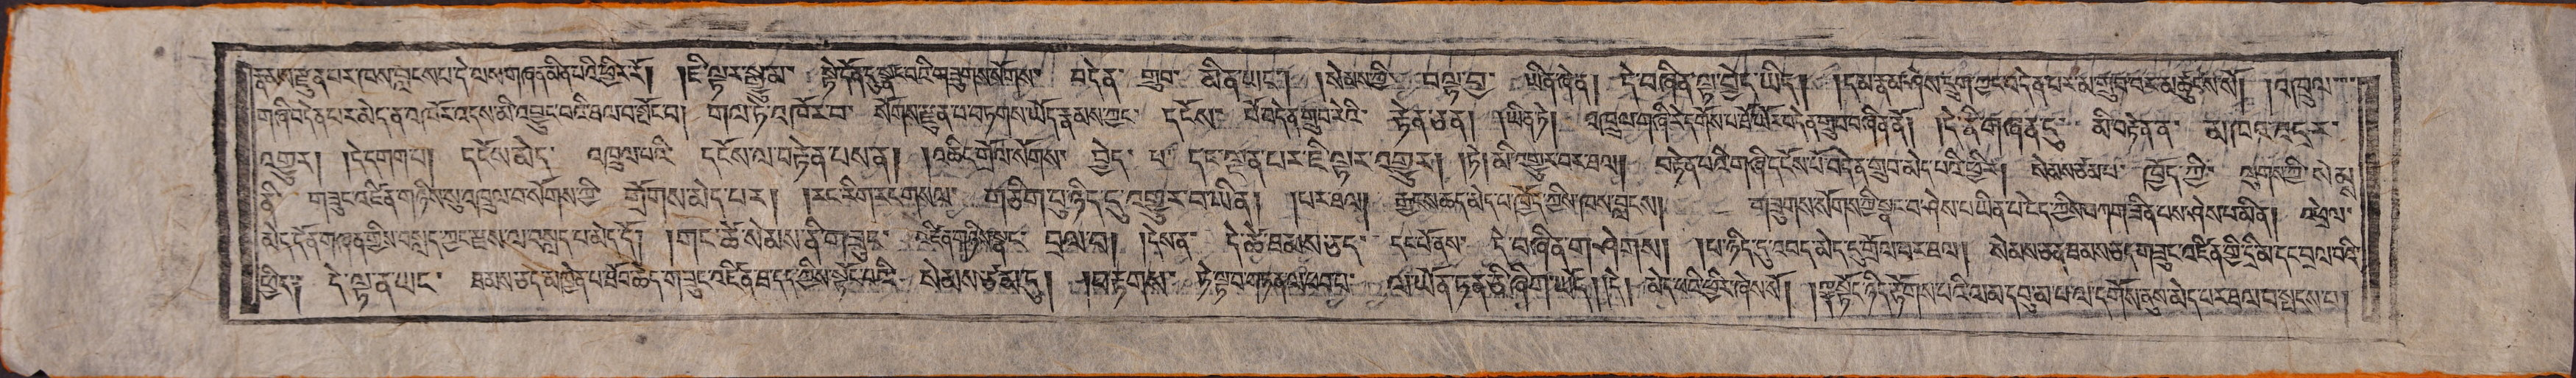རྣམས་རྫུན་པར་ཁས་བླངས་པ་དེ་ལས་གཞན་མིན་པའི་ཕྱིར་རོ། །ཇི་ལྟར་སྒྱུ་མ་སྟེ་དོན་དུ་སྣང་བའི་གཟུགས་སོགས་བདེན་གྲུབ་མིན་ཡང་། །སེམས་ཀྱི་བལྟ་བྱ་ཡིན་ཞེ་ན།  དེ་བཞིན་ལྟ་བྱེད་ཡིད། །དམ་རྣམ་ཤེས་དྲུག་ཀྱང་བདེན་པར་མ་གྲུབ་པར་མཚུངས་སོ། །འཁྲུལ་
གཞི་བདེན་པར་མེད་ན་འཁོར་འདས་མི་འབྱུང་བའི་ཐལ་བ་སྤོང་བ། གལ་ཏེ་འཁོར་བ་སོགས་རྫུན་པ་བཏགས་ཡོད་རྣམས་ཀྱང་དངོས་པོ་བདེན་གྲུབ་རེའི་རྟེན་ཅན། །ཡིན་ཏེ། འཁྲུལ་གཞི་རེ་དགོས་པ་ཐོ་ཡོར་བདེན་གྲུབ་བཞིན་ནོ།  །དེ་ནི་གཞན་དུ་མི་བརྟེན་ན་མཁའ་འདྲར་
འགྱུར། །དེ་དགག་པ།  དངོས་མེད་འཁྲུལ་པའི་དངོས་ལ་བརྟེན་པས་ན། །འཆིང་གྲོལ་སོགས་བྱེད་བ་དང་ལྡན་པར་ཇི་ལྟར་འགྱུར། །ཏེ། མི་འགྱུར་བར་ཐལ། བརྟེན་པའི་གཞི་དངོས་པོ་བདེན་གྲུབ་མེད་པའི་ཕྱིར། སེམས་ཙམ་པ་ཁྱོད་ཀྱི་ལུགས་ཀྱི་སེམས་
ནི་གཟུང་འཛིན་གཉིས་སུ་འཁྲུལ་བ་སོགས་ཀྱི་གྲོགས་མེད་པར། །རང་རིག་རང་གསལ་གཅིག་པུ་ཉིད་དུ་འགྱུར་བ་ཡིན། །པར་ཐལ། རྒྱངས་ཆད་མེད་པ་ཁྱོད་ཀྱིས་ཁས་བླངས། གཟུགས་སོགས་ཀྱི་སྣང་བ་ཤེས་པ་ཡིན་པ་ངེད་ཀྱིས་བཀག་ཟིན་པས་ཤེས་པ་མིན། འབྲེལ་
མེད་དོན་གཞན་གྱིས་བསླད་ཀྱང་རྫས་ལ་བསླད་པ་མེད་དོ། །གང་ཚེ་སེམས་ནི་གཟུང་འཛིན་གཉིས་སྣང་བྲལ་བ། །དེས་ན་དེ་ཚེ་ཐམས་ཅད་དང་པོ་ནས་དེ་བཞིན་གཤེགས། །པ་ཉིད་དུ་འབད་མེད་དུ་གྲོལ་བར་ཐལ། སེམས་ཅན་ཐམས་ཅད་གཟུང་འཛིན་གྱི་དྲི་མ་དང་བྲལ་བའི་
ཕྱིར༑ དེ་ལྟ་ན་ཡང་ཐམས་ཅད་མཁྱེན་པ་ཐོབ་ཆེད་གཟུང་འཛིན་ཐ་དད་ཀྱིས་སྟོང་པའི་སེམས་ཙམ་དུ། །བརྟགས་ཏེ་ལྟ་བ་གཏན་ལ་ཕབ་པ་ལ་ཡོན་ཏན་ཅི་ཞིག་ཡོད། །དེ། མེད་པའི་ཕྱིར་ཞེས་སོ། །༈ སྟོང་ཉིད་རྟོགས་པའི་ལམ་དབུ་མ་པ་ལ་དགོས་ནུས་མེད་པར་ཐལ་བ་སྤངས་པ།